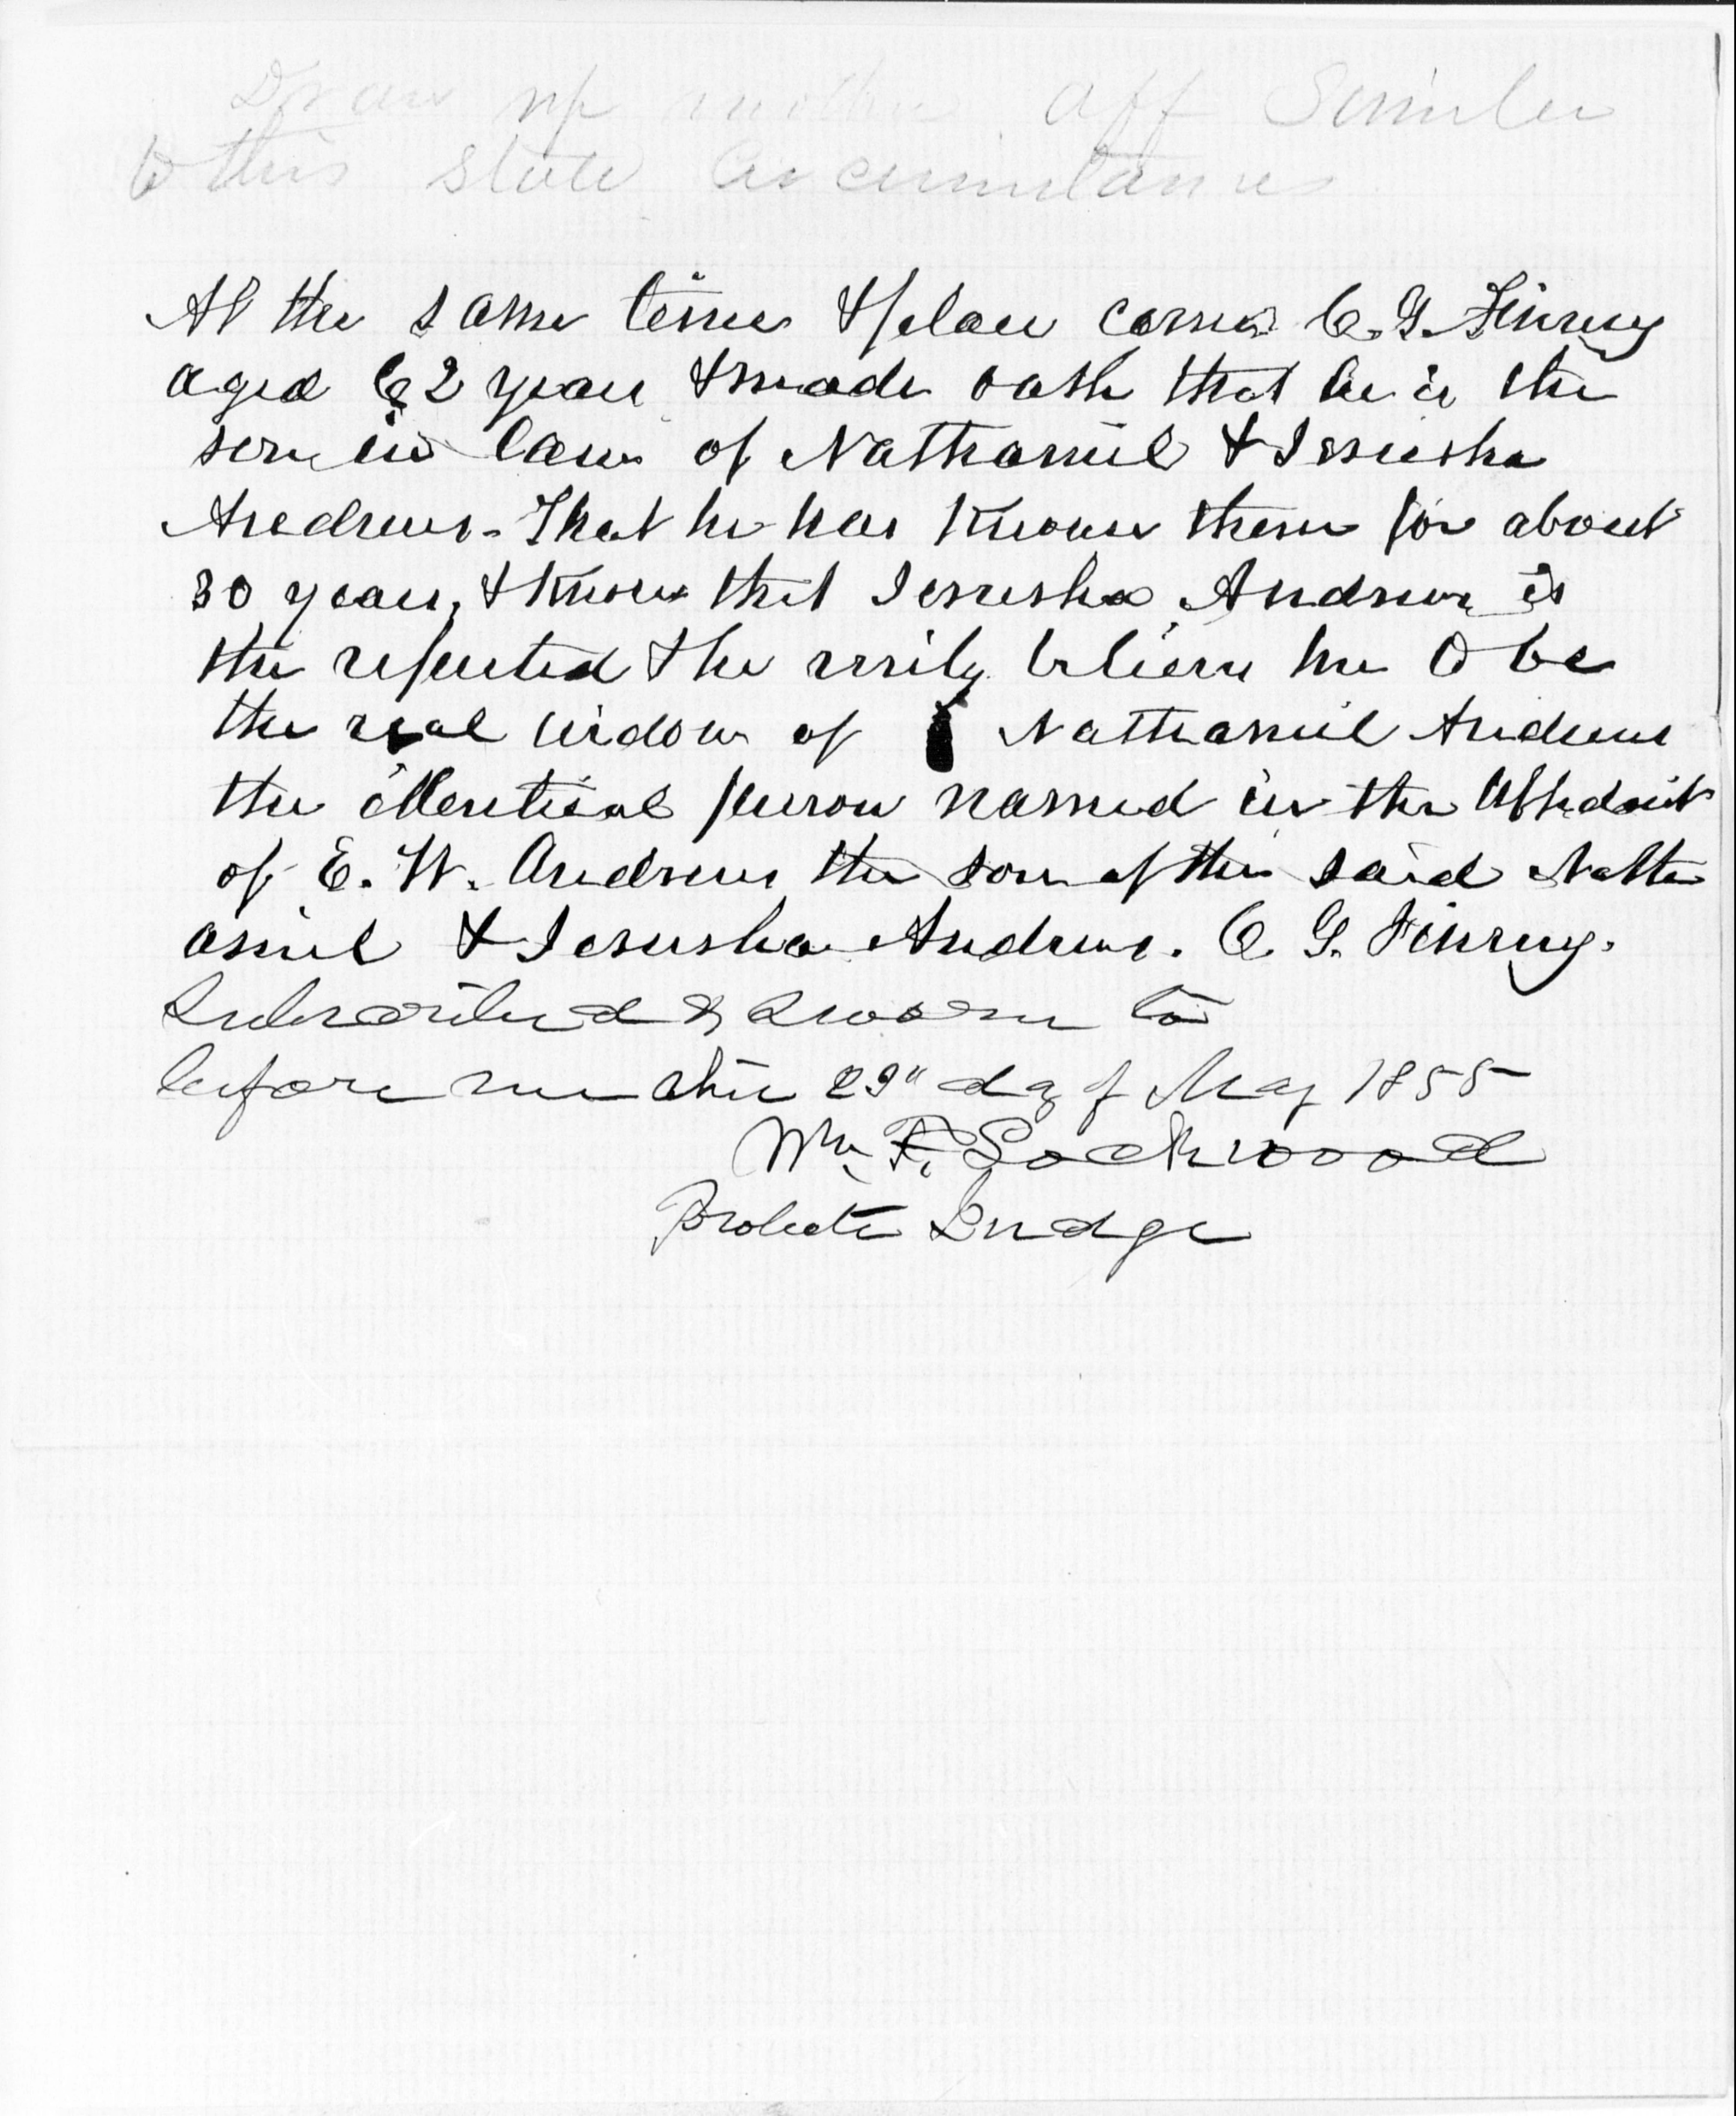[illegible] Similar
to this State As circumstance 
At the same time & place comes C. G. Finney
aged 62 years & made oath that he is the
son in law of Nathaniel & Jerusha
Andrews  That he has known them for about
30 years & knows that Jerusha Andrews is
the reputed & he verily believes her to be
the real widow of Nathaniel Andrews
the identical person named in the affidavit
of E. W. Andrews the son of the said Nathanial
& Jerusha Andrews. C.  G. Finney
Subscribed & Sworn to
before me this 29" day of May 1858
Wm P. Lockwood
Probate Judge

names: Jerusha Andreus, Wm F Lockwood, Nathaniel Andreus, Nathaniel Andreus, Jerusha Andreus, Jerusha Andreus, E W Andreus, Nathaniel Andreus, C G Finney, C G Finney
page: 32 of 78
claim: widow's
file: W. 4117, Nathaniel Bradley, Conn.